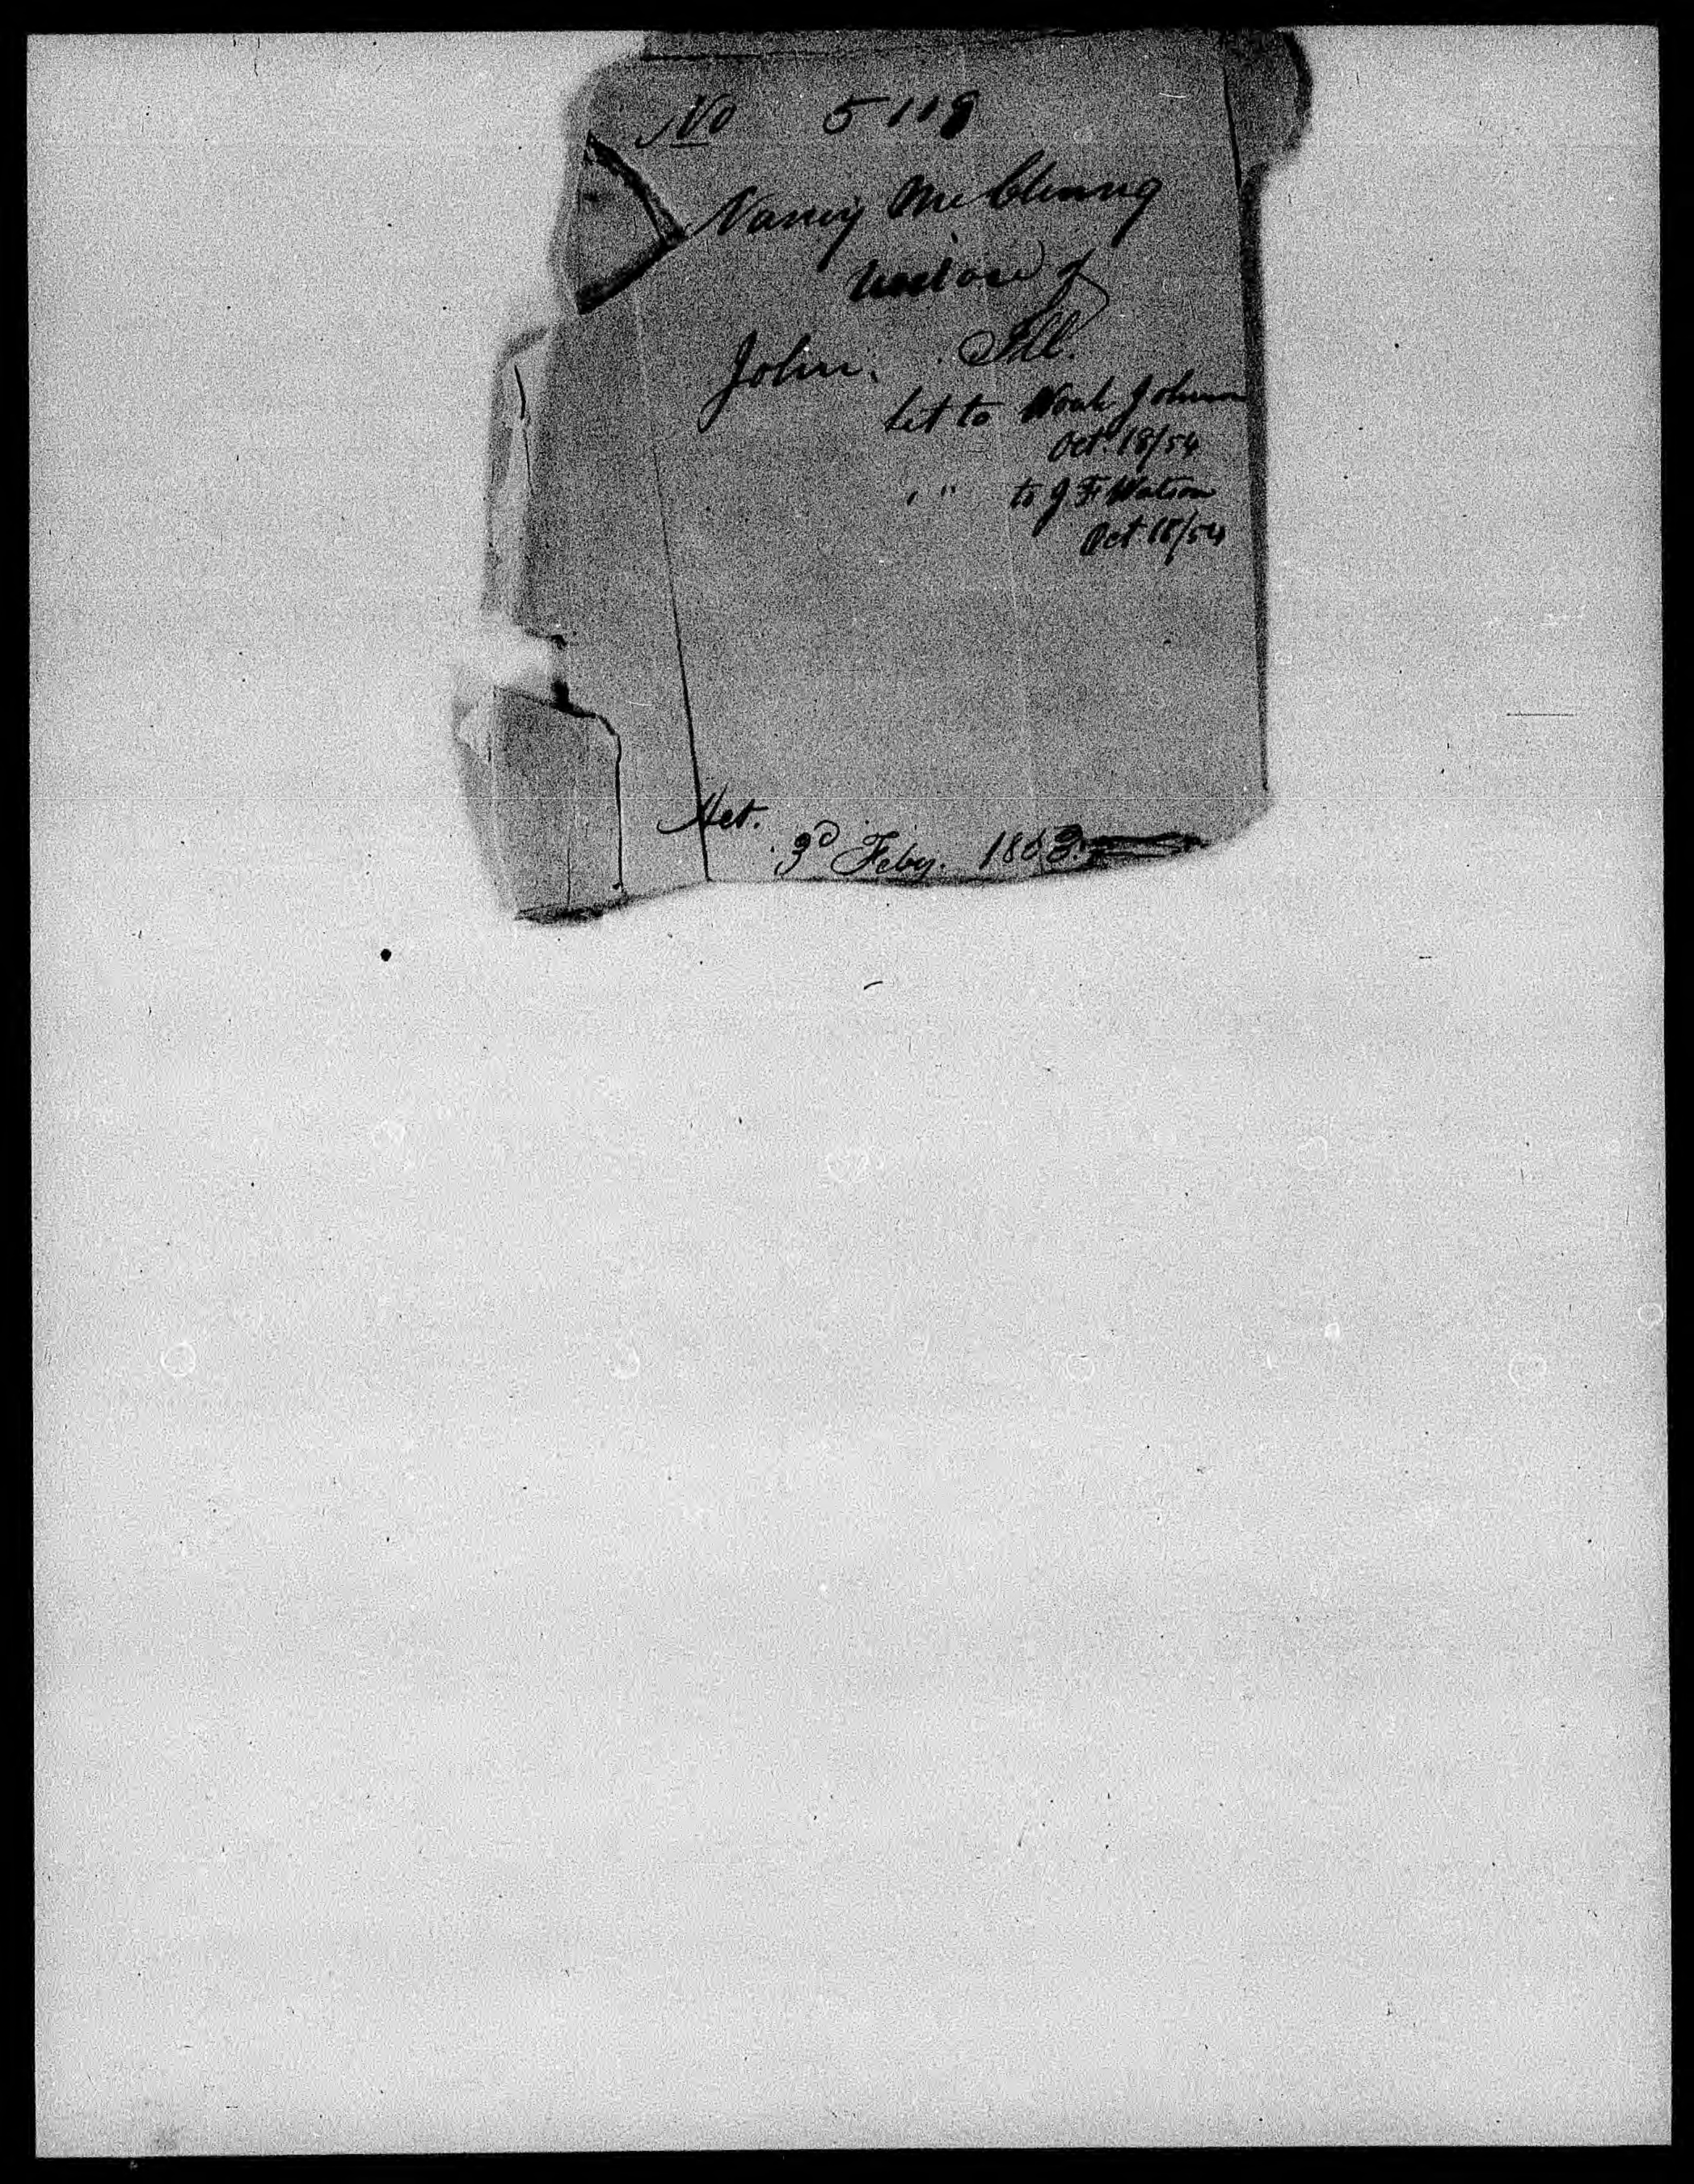No 5119
Nancy Mc Clung
Widow of
John. ILL.
let to Noah Johnson
                            Oct 18/54
"       "  to J F Watson
                            Oct 18/54

Act. 3d Feby 1853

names: J F Watson; Noah Johnson; John Mc Clung; Nancy Mc Clung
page: 52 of 115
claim: widow's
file: W. 1446, for John Mc Clung, South Carolina